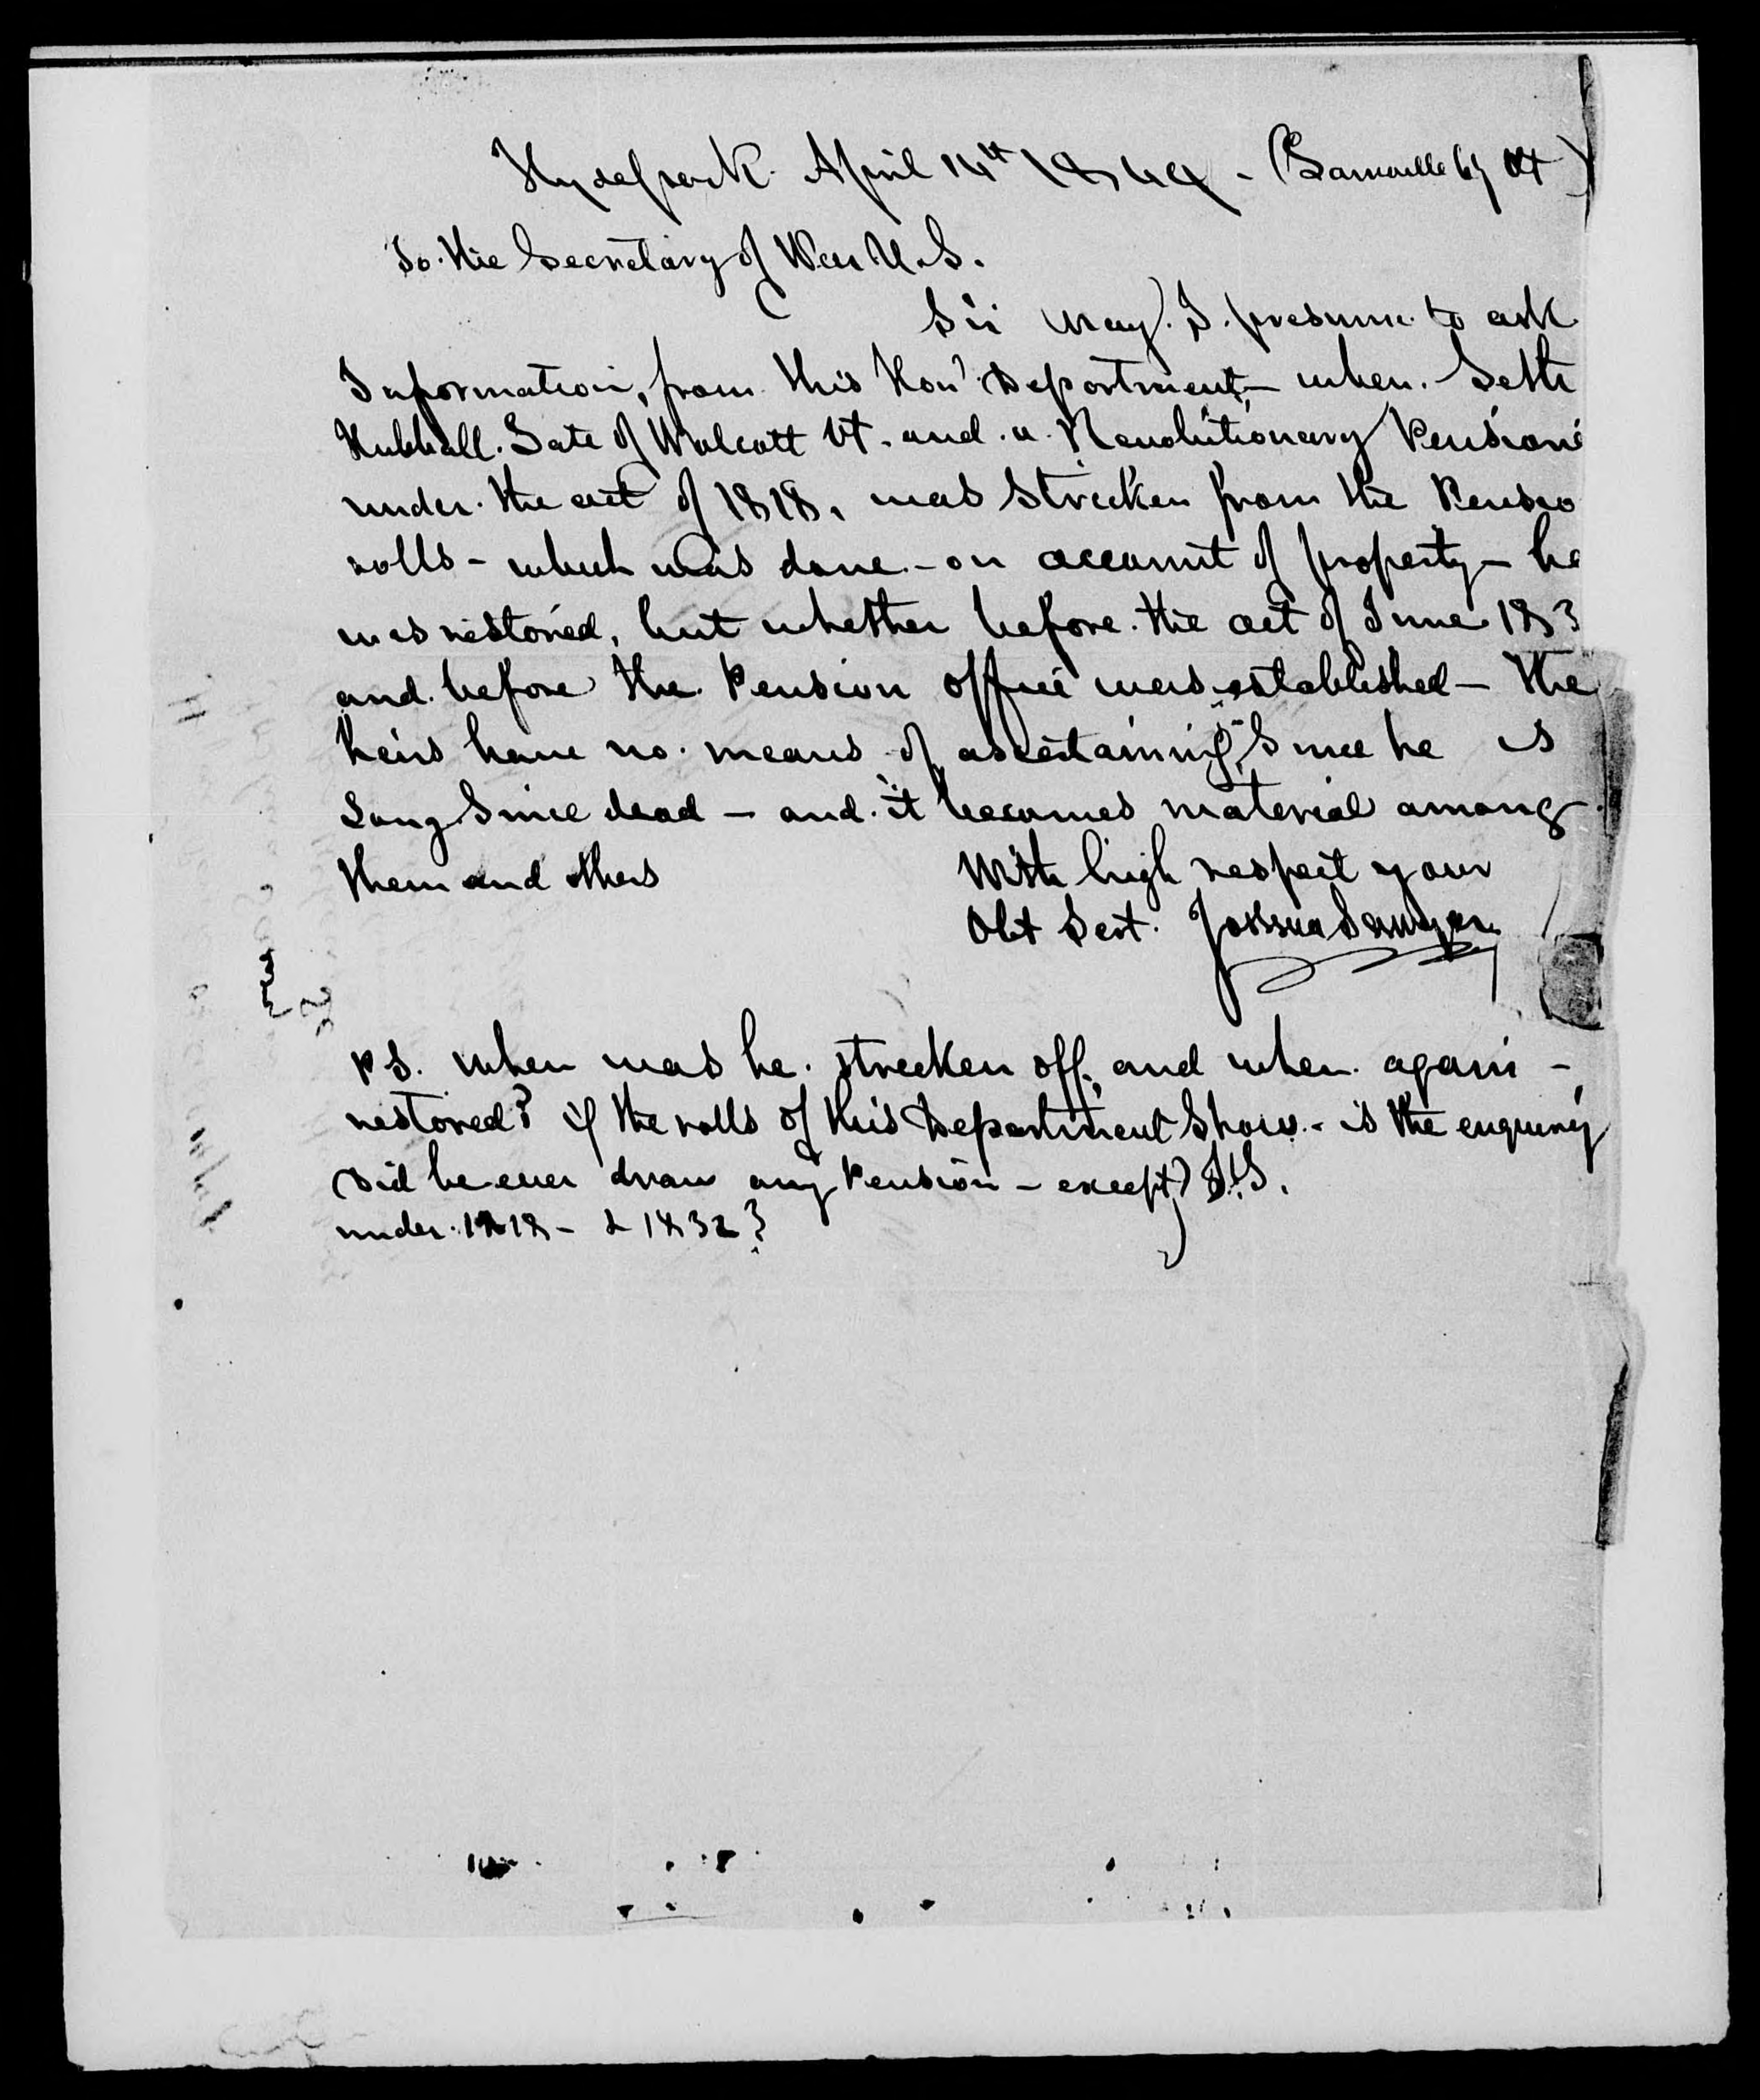Hyde Park April 14 1849  (Sarvalle Cy Vt.)
To Hie Secretary of War US.

Sir may I presume to ask information from his honorable Department-when Seth Hubbell Late of Wolcott Vt. and a revolutionary Pensioner under the act of 1818, was stricken from the Pension rolls-which was done- on account of property - he was restored, but whether before of June 183  and before the Pension office was established-he heirs have not means of ascertaining since he is long since dead- and it becomes material among them and theirs.
With high respect your obt sert Joshua Sawyer
P.S. When was he stricken off and when again restored? if the rolls of this Department Show-is the enquiry. did he every draw any pension except under 1818*1832? initials JS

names: Seth Hubbell, Joshua Sawyer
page: 68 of 114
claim: widow's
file: W. 2115, Seth Hubbell, Conn.